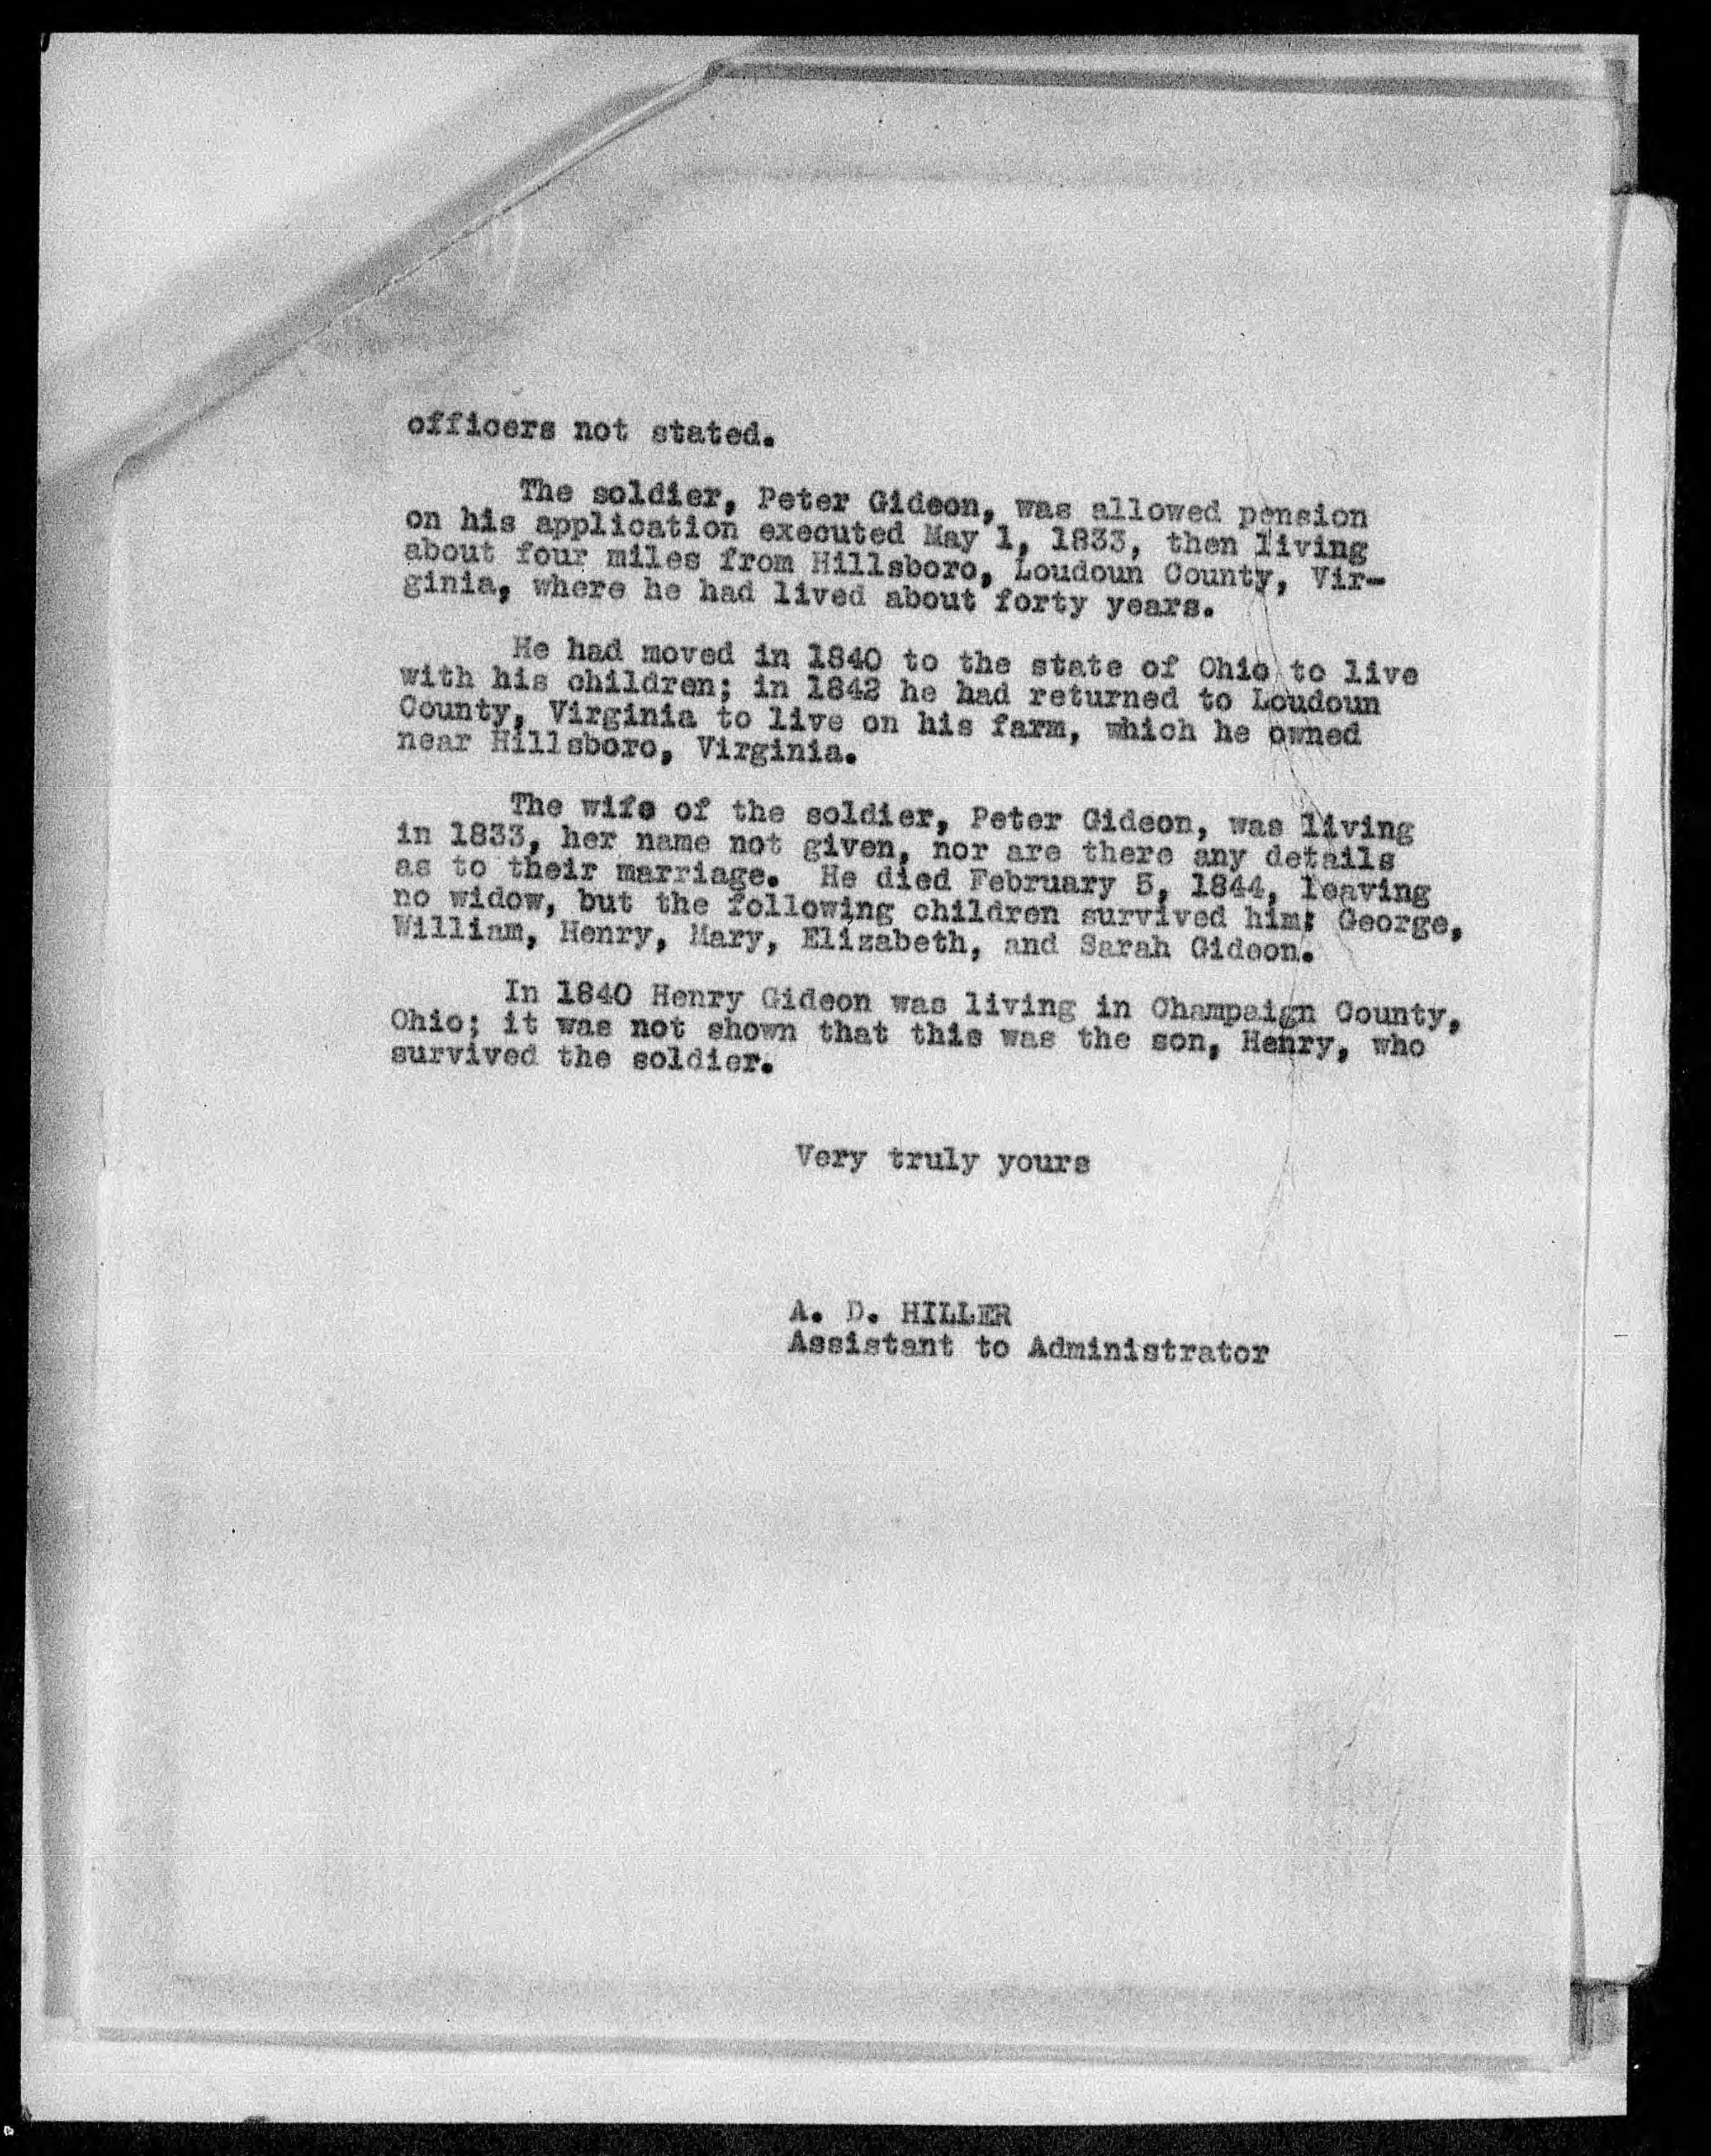officers not stated.

The soldier, Peter Gideon, was allowed pension
on his application executed May 1, 1833, then living about four miles from Hillsboro, Loudoun County, Virginia, where he had lived about forty years.
He had moved in 1840 to the state of Ohio to live with his children; in 1842 he had returned to Loudoun County, Virginia to live on his farm, which he owned near Hillsboro, Virginia.
The wife of the soldier, Peter Gideon, was living in 1833, her name not given, nor are there any details as to their marriage. He died February 5, 1844, leaving no widow, but the following children survived him; George, William, Henry, Mary, Elizabeth, and Sarah Gideon.
In 1840 Henry Gideon was living in Champaign County, Ohio; it was not shown that this was the son, Henry, who survived the soldier.
Very truly yours
A. D. HILLER
Assistant to Administrator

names: Henry Gideon, William Gideon, Peter Gideon, George Gideon, Henry Gideon, Peter Gideon, A D Hiller, Sarah Gideon, Mary Gideon, Elizabeth Gideon, Henry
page: 57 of 64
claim: survivor's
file: S. 6887, Peter Gideon, Md.